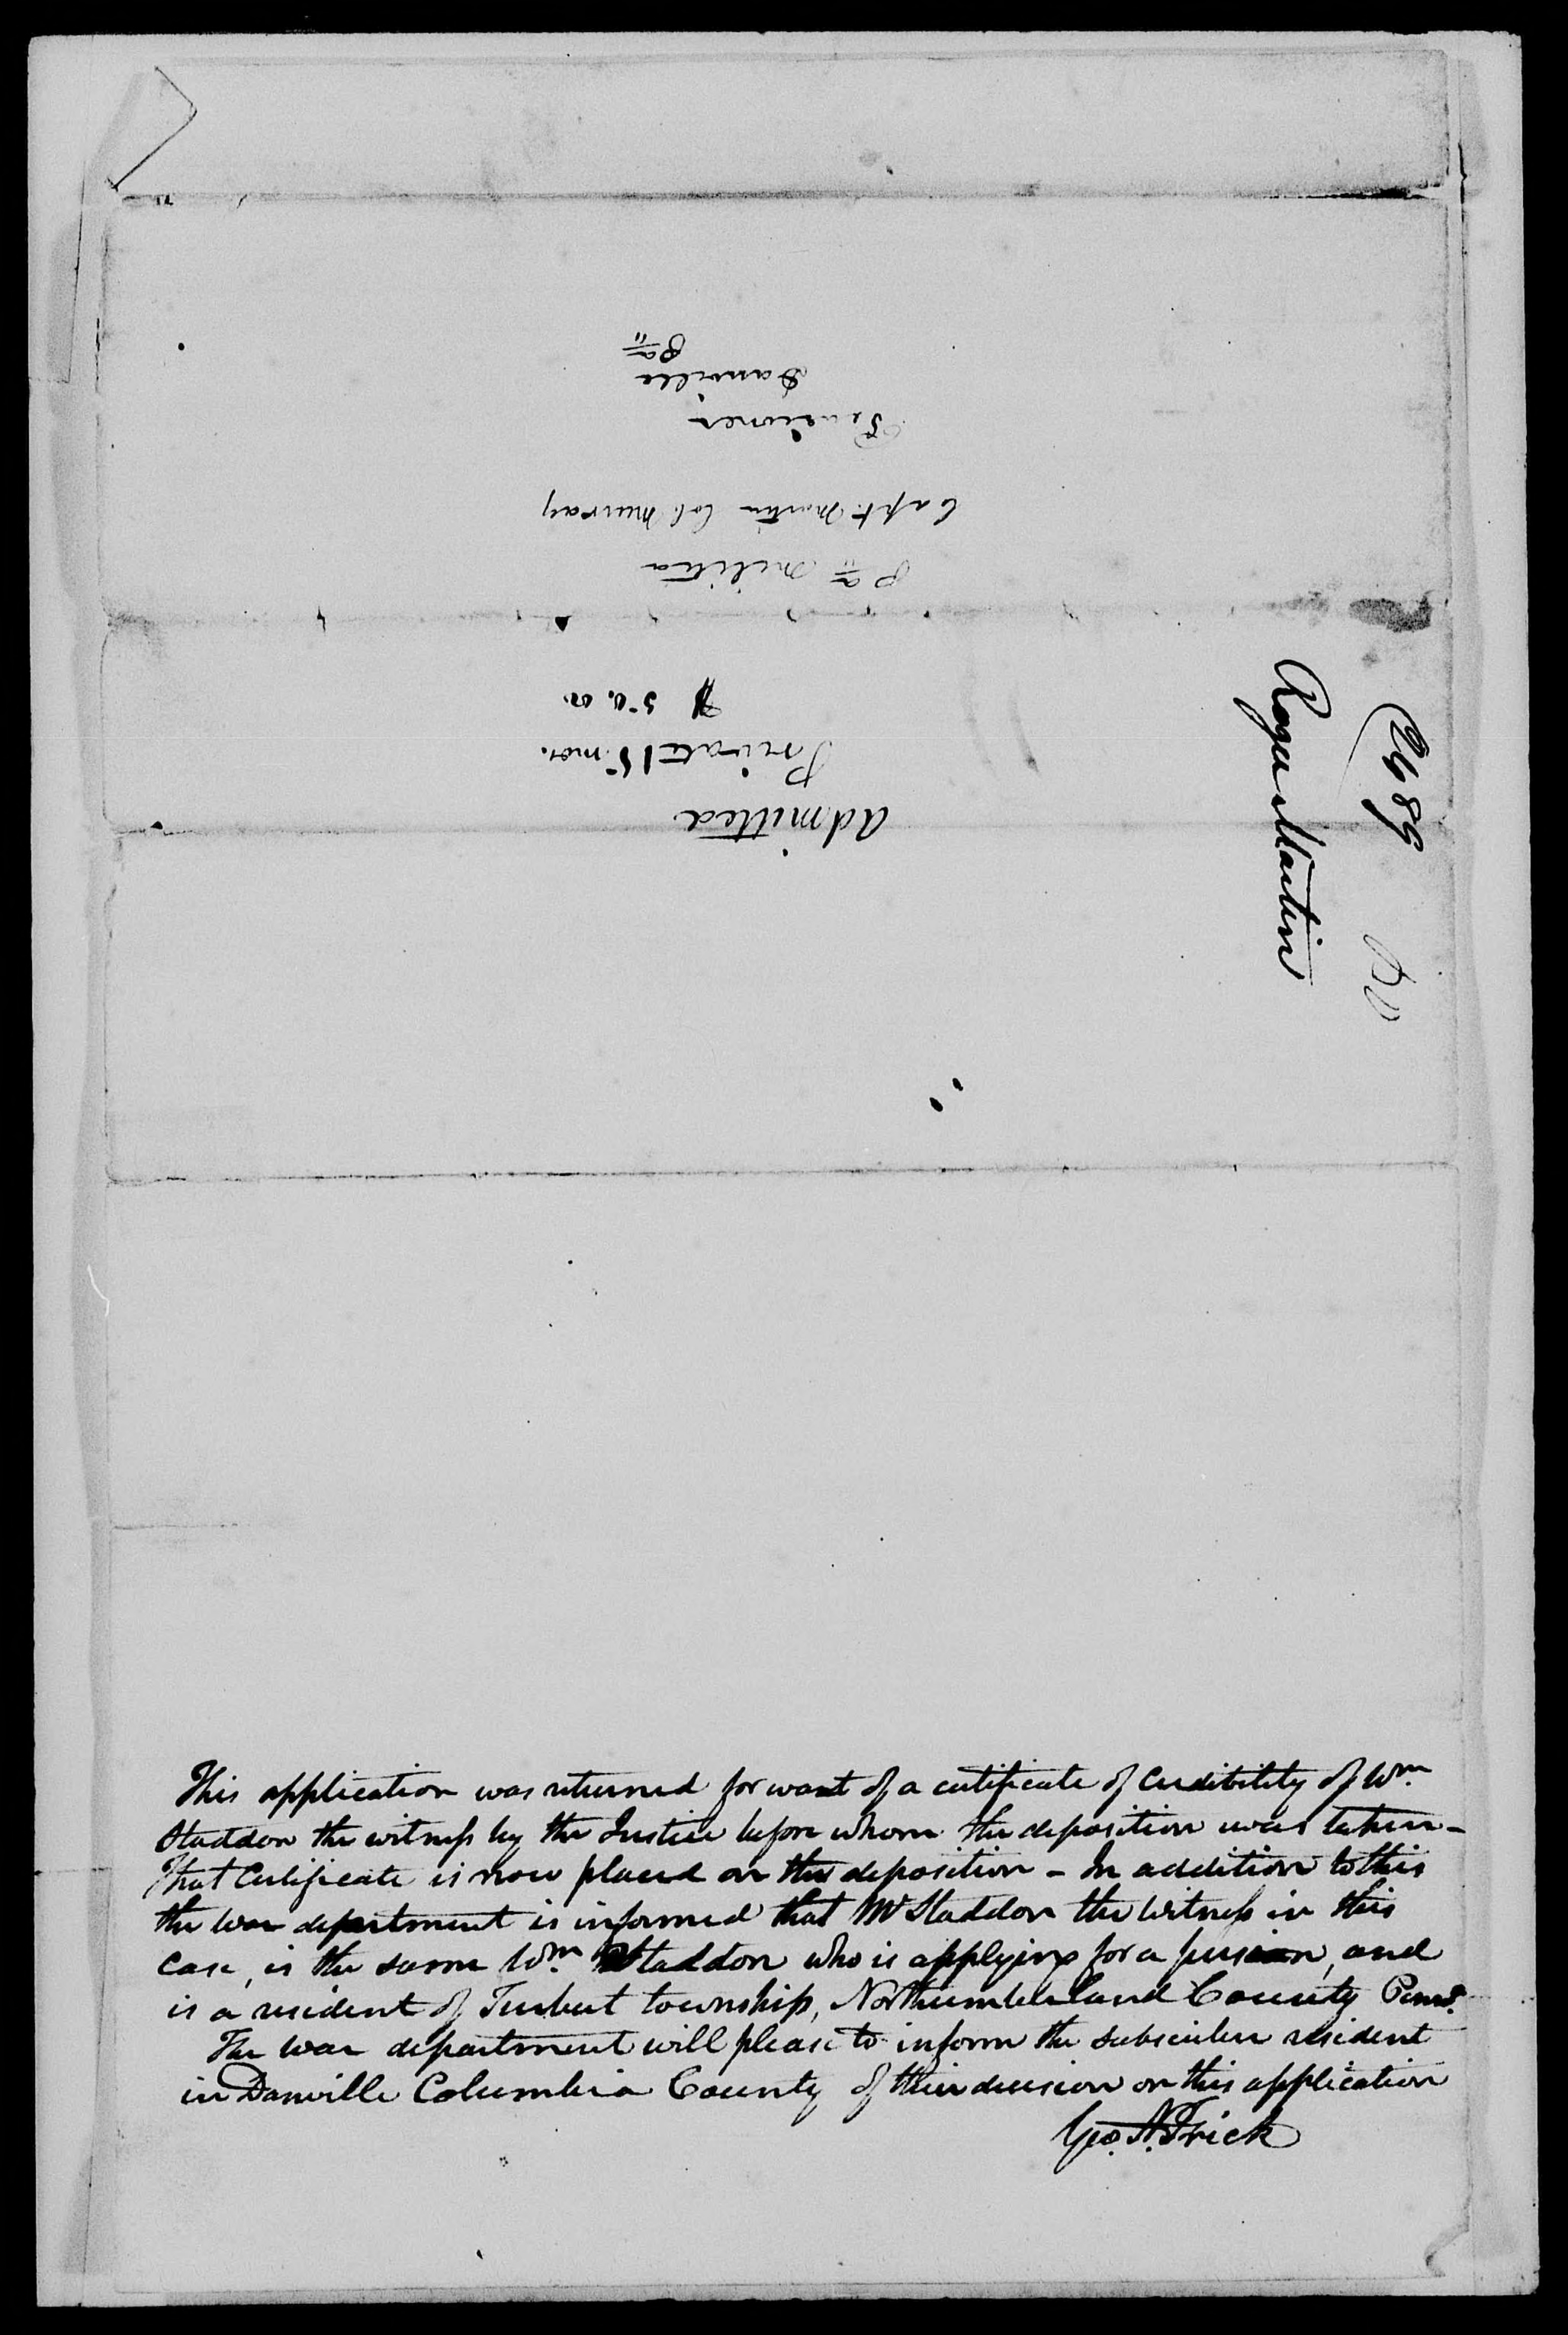This application was returned for want of a certificate of credibility of Wm. Stadden the witness by the Justice before whom the deportation was taken.  That certificate is now placed on the deportation - In addition to this the war department is informed that Wm. Staddon the witness in this case, is the same Wm. Staddon who is applying for a pension and is a resident of Liberty township, Northumberland County, Penna.
The War Department will please to inform the subscriber resident in Danville Columbia County of their decision on this application.  
                                //s//
                         Geo. A. Frick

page: 12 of 12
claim: survivor's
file: S. 2733, for Roger Martin, Pennsylvania